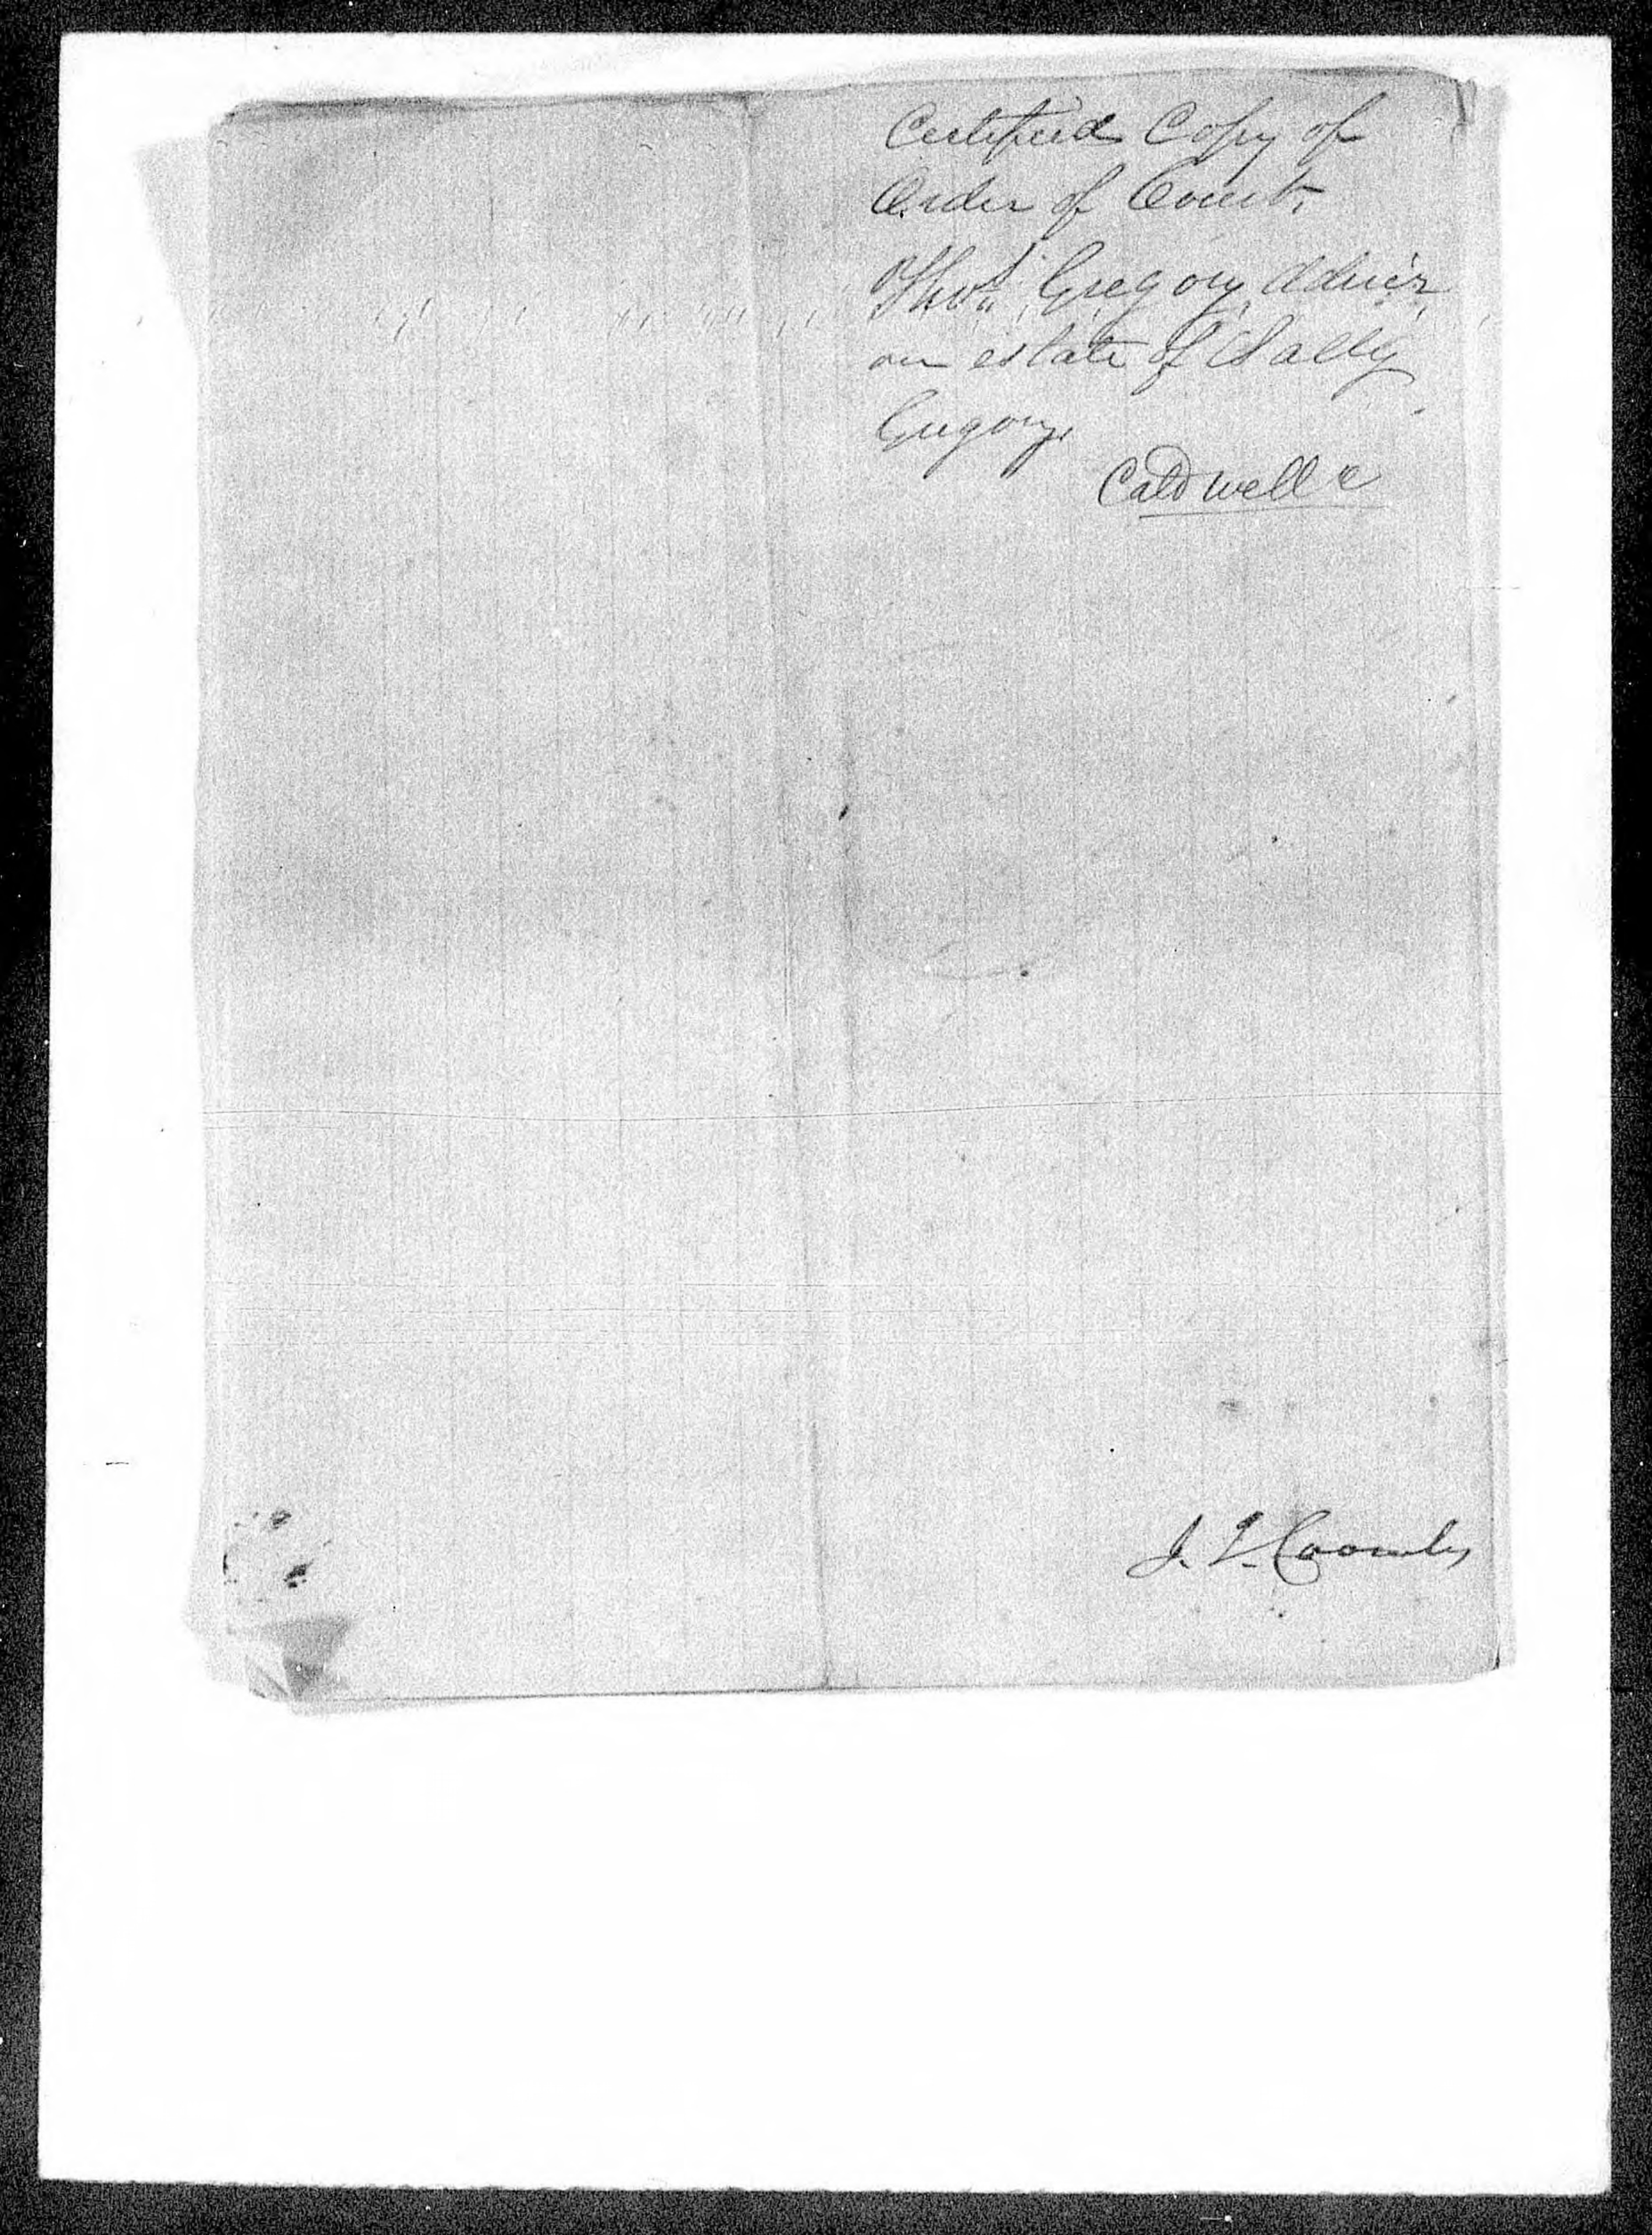Certified Copy of
Order of Court.
Tho. Gregory adm'r
on estate of Sally G
Gregory
Caldwell Co.

J. J. Coombs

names: J J Coombs, Sally Gregory, Thos Gregory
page: 36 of 75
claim: widow's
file: W. 8876, Thomas Gregory, Continental Va